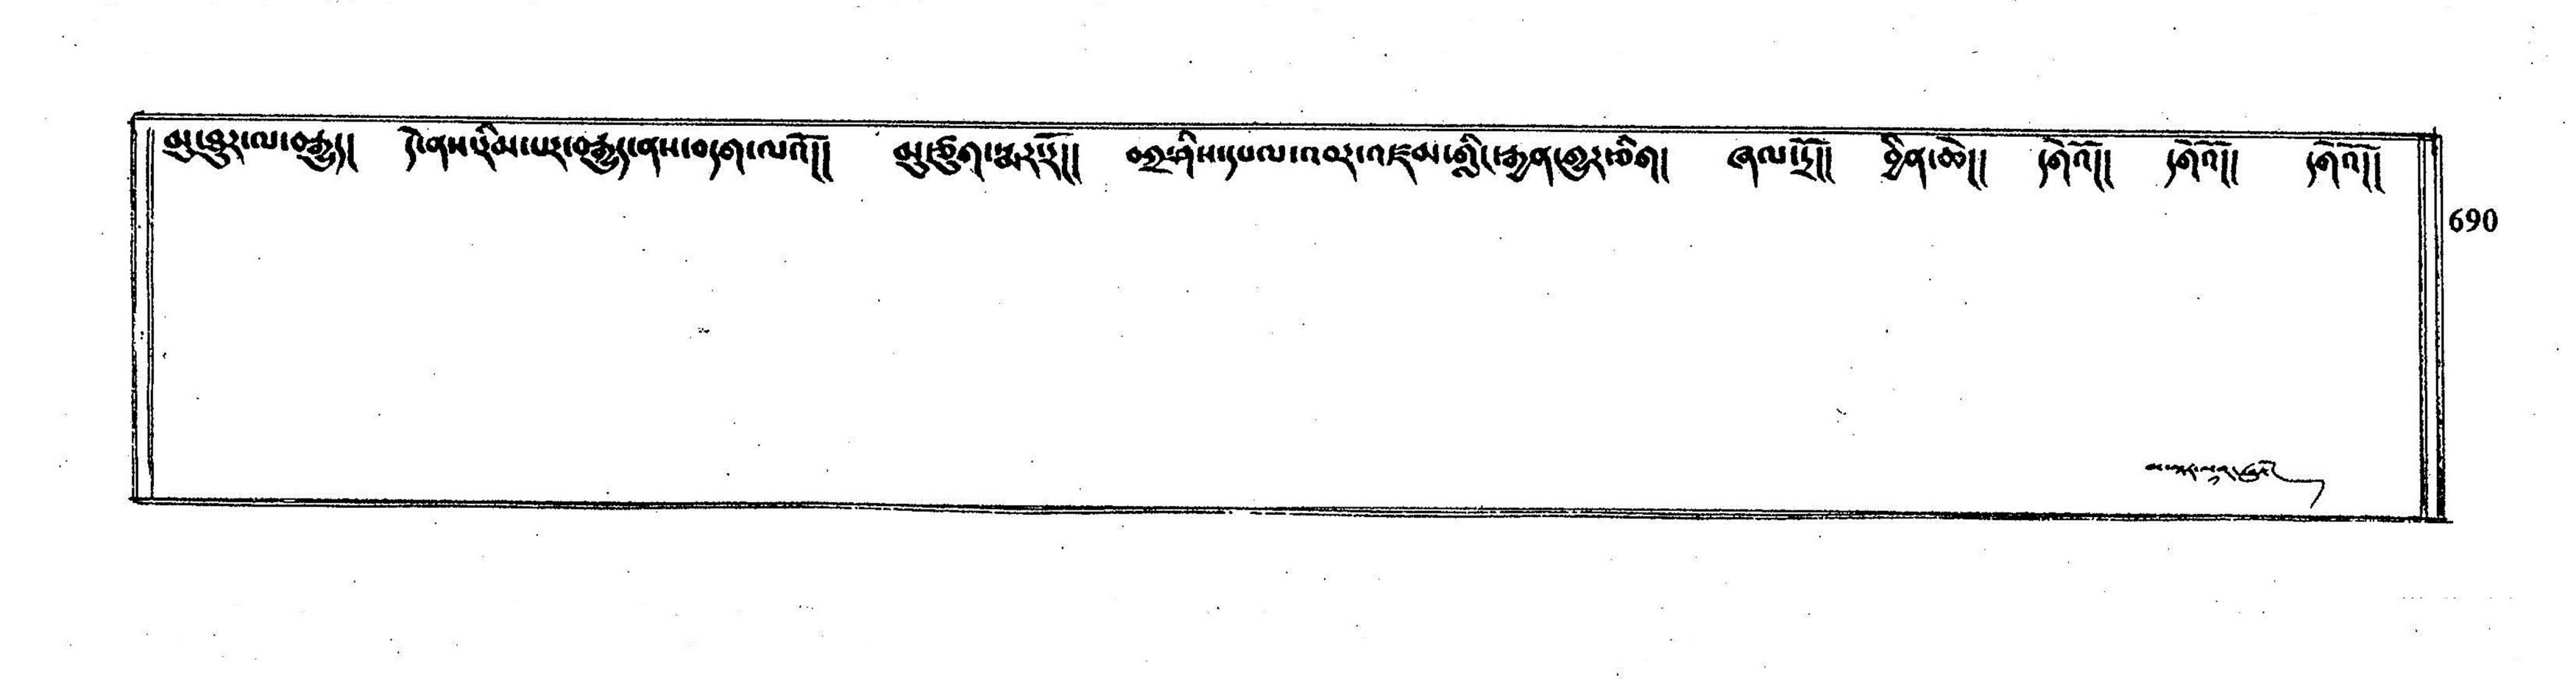མུ་ཐུར་ལ་བརྒྱུད། དེ་ནས་རིམ་པར་བརྒྱུད་ནས་བདག་ལའོ།། མུ་ཙུག་སྨར་རོ།། བཀྲ་ཤིས་དཔའ་འབར་འཛམ་གླིང་རྒྱན་གྱུར་ཅིག ཞལ་དྲོ།། བྱིན་ཆེ།། དགེའོ།། དགེའོ།། དགེའོ།།